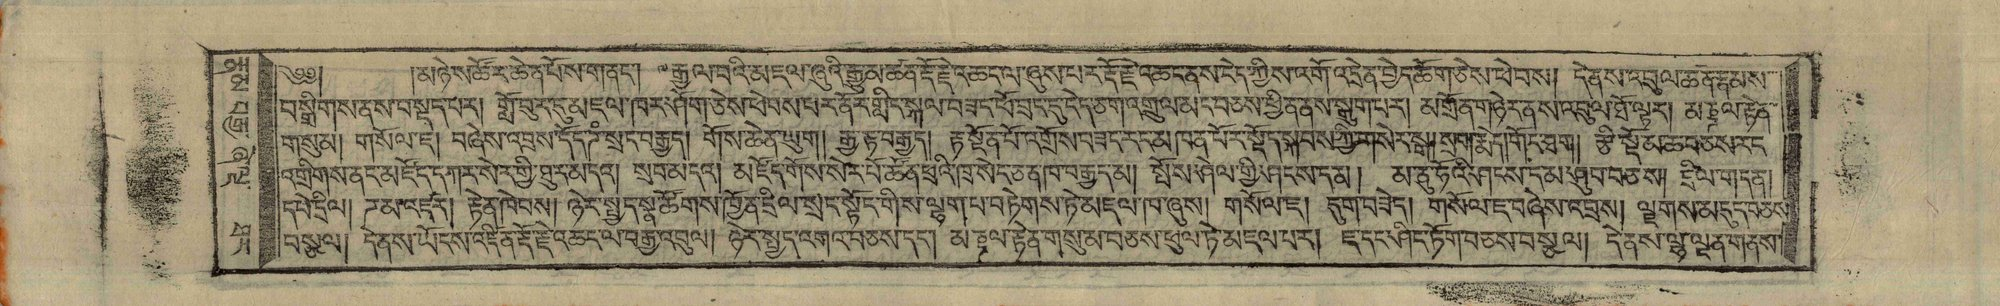༄༅། །མཉེས་ཚོར་ཆེན་པོས་གནང་། ༧་རྒྱལ་བའི་མཇལ་ཞུའི་རྒྱུ་མཚན་རྡོ་རྗེ་འཆང་ལ་ཞུས་པར་རྡོ་རྗེ་འཆང་ནས་ངེད་ཀྱིས་འགོ་འདྲེན་བྱེད་ཆོག་ཅེས་ཕེབས། དེ་ནས་འབུལ་ཚན་རྣམས་
བསྒྲིགས་ནས་བསྡད་པར། གློ་བུར་དུ་མཇལ་ཁར་ཤོག་ཅེས་ཕེབས་པར་ནོར་གླིང་སྐལ་བཟང་ཕོ་བྲང་དུ་ངེད་ཅག་འགྲུལ་མང་བཅས་ཕྱིན་ནས་སྒུག་པར། མགྲོན་གཉེར་ནས་འབུལ་ཐོ་ལྟར། མཎྜལ་རྟེན་
གསུམ། གསོལ་ཇ། བཞེས་འབྲས་དོད་ཌཾ་སྲང་བརྒྱད། གོས་ཆེན་ཡུག །རྒྱ་རྟ་བརྒྱད། རྟ་སྔོན་པོ་འགྲོས་བཟང་རང་མཁན་པོར་སྡོད་སྐབས་ཀྱི་གསེར་སྒ ། སྲག་རྨེད། གོང་ཐག །རྩི་སྡོམ་ཆ་བཅས་རང་
འགྲིགས་ནང་མཛོད་དཀར་སེར་གྱི་ཐུར་མདའ། སྲབ་མདའ། མཛོད་གོས་སེར་པོ་ཚོན་ཕྲའི་ཁྲ་སེང་ཅན་ཁ་བརྒྱད་མ། སྤོས་ཤེལ་གྱི་ཤངས་དམ། མ་ནུ་ཧོའི་ཤངས་དམ་ཤུབ་བཅས། དྲིལ་གདན།
དཔེ་དྲིལ། ཌམ་འཛར། རྟེན་ཁེབས། ཉེར་སྤྱད་སྣ་ཚོགས་ཁྱོན་དྲིལ་སྲང་སྟོང་གིས་ལྷག་པ་བཏེགས་ཏེ་མཇལ་ཁ་ཞུས། གསོལ་ཇ། དུག་བཟེད། གསོལ་ཇ་བཞེས་འབྲས། ལྗགས་མདུད་བཅས་
བསྩལ། དེ་ནས་ཡོངས་འཛིན་རྡོ་རྗེ་འཆང་ལ་བརྒྱ་འབུལ། ཉེར་སྤྱད་འགའ་བཅས་དང་། མཎྜལ་རྟེན་གསུམ་བཅས་ཕུལ་ཏེ་མཇལ་པར། ཇ་དང་ཤིང་ཏོག་བཅས་བསྩལ། དེ་ནས་ལྷ་ལྡན་གནས་